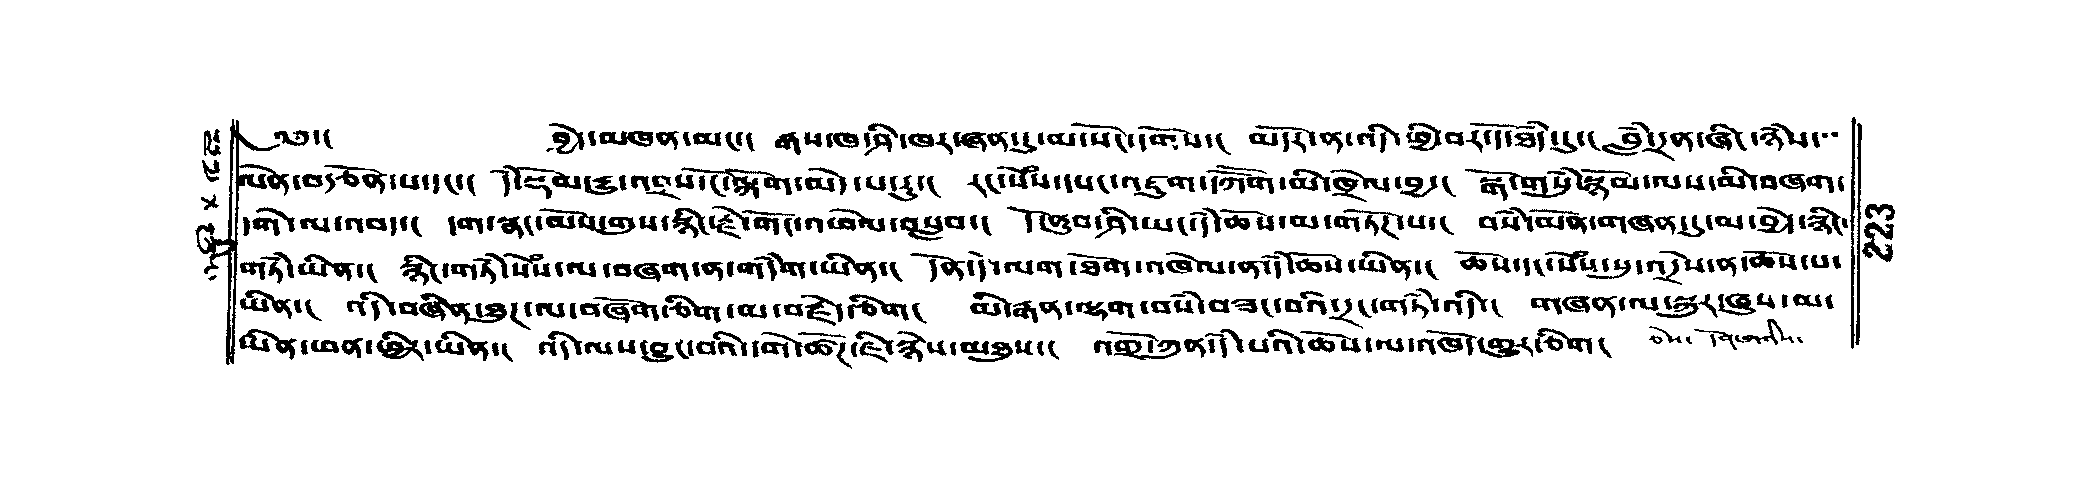བྱེད་མཁན་མང་། །རྒས་ཁ་ཤི་ཁར་ཞན་དུ་མ་སོང་དགོས། །མདོར་ན་འདི་ཕྱི་བར་དོ་ཐམས་ཅད་དུ། །བླ་མ་དྲན་ཞིང་ཉམས་
ལེན་བརྩོན་པ་དང་། །དམ་སྡོམ་རྒྱུ་འབྲས་ངོ་ལྐོག་མེད་པ་རུ། །རང་སེམས་དཔང་འཛུག་དཀོན་མཆོག་མི་ཁྲེལ་བྱ། །སྒོ་གསུམ་སྙོམ་ལས་མི་བཞག་
དགེ་ལ་འབད། །དག་སྣང་མོས་གུས་སྙིང་རྗེ་གོང་འཕེལ་བསླབ། །དོ་ནུབ་ཤི་སང་དམ་ཆོས་ལ་གཏོགས་པ། །བསམ་མནོ་གཞན་དུ་མ་བྱེད་སྙིང་
གཏམ་ཡིན། །སྙིང་གཏམ་སེམས་བཞག་ན་གདམ་ངག་ཡིན། །དོན་དེ་ལག་ཐོག་འཁེལ་ན་དམ་ཆོས་ཡིན། །ཆོས་དང་སེམས་སུ་འདྲེས་ན་ཆོས་པ་
ཡིན། །དེ་བཞིན་ཐུགས་ལ་བཞོག་ཅིག་མ་བརྗེད་ཅིག །མི་རྒན་ལྷག་བསམ་བཟང་བའི་དྲང་གཏམ་འདི། །གཞན་ལ་སྐུར་ཞུས་མ་
ཡིན་ཕན་ཕྱིར་ཡིན། །འདི་ལས་བྱུང་བའི་དགེ་ཚོགས་ཇི་སྙེད་མཐུས། །འགྲོ་ཀུན་དམ་པའི་ཆོས་ལ་འཁོད་གྱུར་ཅིག ཅེས་དོན་གཉིས་